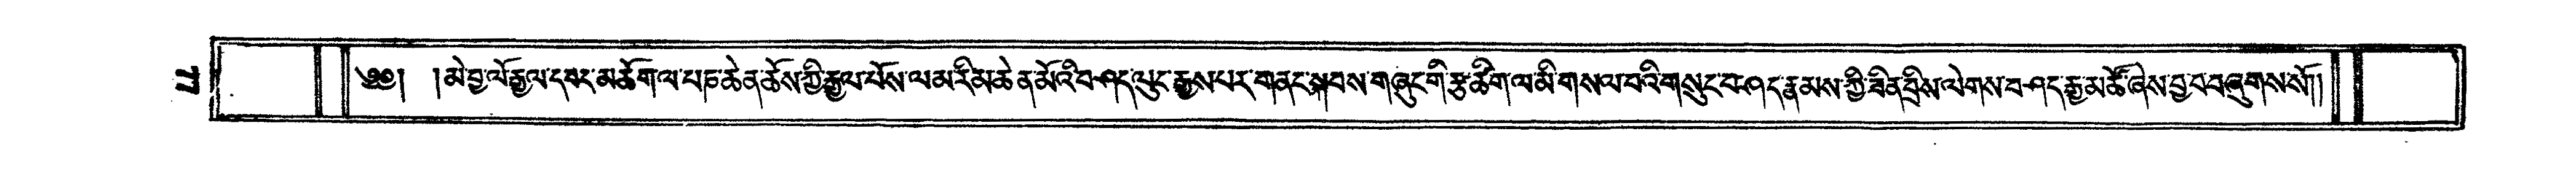༄༅། །མེ་བྱ་ལོ་རྒྱལ་དབང་མཆོག་ལ་པཎ་ཆེན་ཆོས་ཀྱི་རྒྱལ་པོས་ལམ་རིམ་ཆེན་མོའི་བཤད་ལུང་རྒྱས་པར་གནང་སྐབས་གཞུང་གི་རྩ་ཚིག་ལ་མི་གསལ་བའི་གསུང་བཤད་རྣམས་ཀྱི་ཟིན་བྲིས་ལེགས་བཤད་རྒྱ་མཚོ་ཞེས་བྱ་བ་བཞུགས་སོ།།